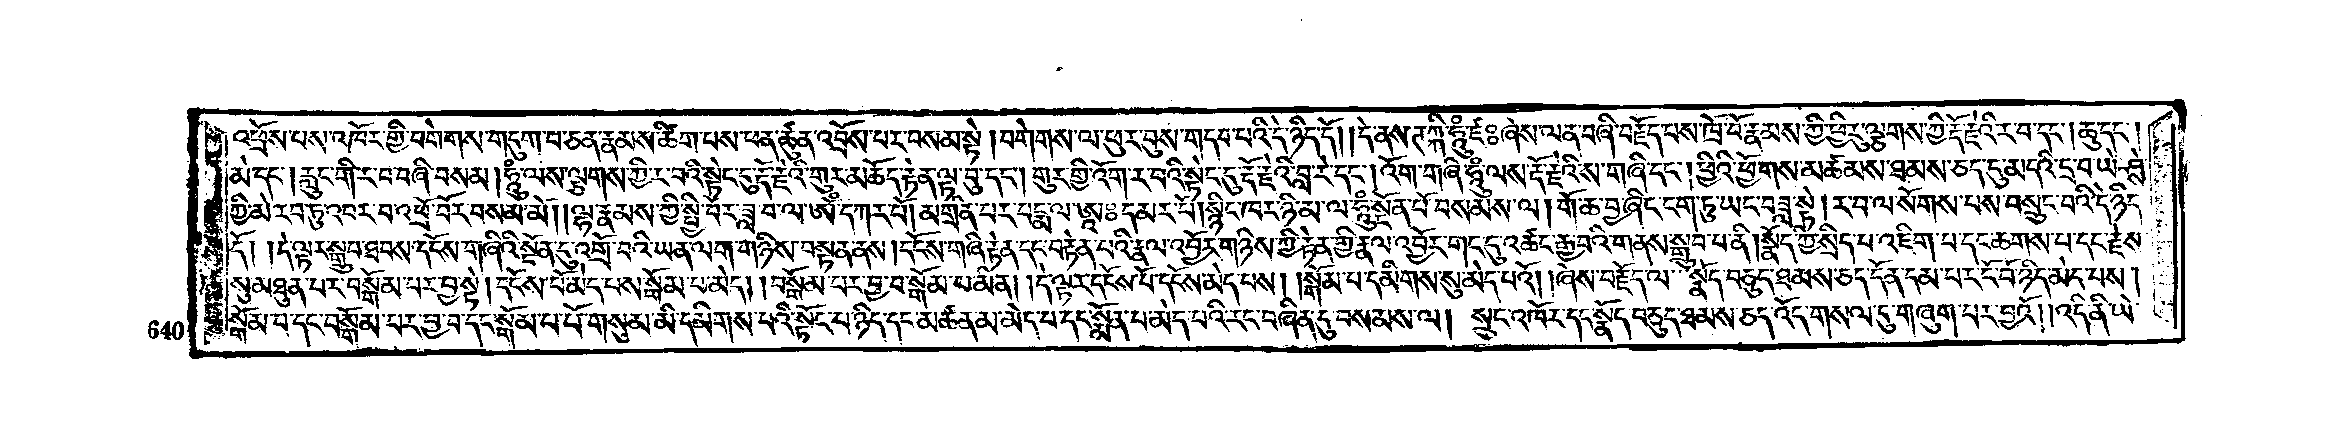འཕྲོས་པས་འཁོར་གྱི་བགེགས་གདུག་པ་ཅན་རྣམས་ཚིག་པས་ཕན་ཚུན་འབྲོས་པར་བསམ་སྟེ། བགེགས་ལ་ཕུར་བུས་གདབ་པའི་དེ་ཉིད་དོ། །དེ་ནས་ཊཀྐི་ཧཱུཾ་ཛཿ ཞེས་ལན་བཞི་བརྗོད་པས་ཁྲོ་བོ་རྣམས་ཀྱི་ཕྱི་རུ་ལྕགས་ཀྱི་རྡོ་རྗེའི་ར་བ་དང་། ཆུ་དང་།
མེ་དང་། རླུང་གི་ར་བ་བཞི་བསམ། ཧཱུཾ་ལས་ལྕགས་ཀྱི་ར་བའི་སྟེང་དུ་རྡོ་རྗེའི་གུར་མཆོད་རྟེན་ལྟ་བུ་དང་། གུར་གྱི་འོག་ར་བའི་སྟེང་དུ་རྡོ་རྗེའི་བླ་རེ་དང་། འོག་གཞི་ཧཱུཾ་ལས་རྡོ་རྗེའི་ས་གཞི་དང་། ཕྱིའི་ཕྱོགས་མཚམས་ཐམས་ཅད་དུ་མདའི་དྲ་བ་ཡེ་ཤེས་
ཀྱི་མེ་རབ་ཏུ་འབར་བ་འཕྲོ་བར་བསམ་མོ། །ལྷ་རྣམས་ཀྱི་སྤྱི་བོར་ཟླ་བ་ལ་ཨོཾ་དཀར་པོ། མགྲིན་པར་པདམ་ལ་ཨཱཿ དམར་པོ། སྙིང་ཁར་ཉི་མ་ལ་ཧཱུཾ་སྔོན་པོ་བསམས་ལ། གོ་ཆ་བྱ་ཞིང་ངག་ཏུ་ཡང་བཟླ་སྟེ། ར་བ་ལ་སོགས་པས་བསྲུང་བའི་དེ་ཉིད་
དོ། །དེ་ལྟར་སྒྲུབ་ཐབས་དངོས་གཞིའི་སྔོན་དུ་འགྲོ་བའི་ཡན་ལག་གཉིས་བསྟན་ནས། དངོས་གཞི་རྟེན་དང་བརྟེན་པའི་རྣལ་འབྱོར་གཉིས་ཀྱི་རྟེན་གྱི་རྣལ་འབྱོར་གང་དུ་འཚང་རྒྱ་བའི་གནས་སྒྲུབ་པ་ནི། སྣོད་ཀྱི་སྲིད་པ་འཇིག་པ་དང་ཆགས་པ་དང་རྗེས་
སུ་མཐུན་པར་བསྒོམ་པར་བྱ་སྟེ། དངོས་པོ་མེད་པས་སྒོམ་པ་མེད། །བསྒོམ་པར་བྱ་བ་སྒོམ་པ་མིན། །དེ་ལྟར་དངོས་པོ་དངོས་མེད་པས། །སྒོམ་པ་དམིགས་སུ་མེད་པའོ། །ཞེས་བརྗོད་ལ་སྣོད་བཅུད་ཐམས་ཅད་དོན་དམ་པར་ངོ་བོ་ཉིད་མེད་པས།
སྒོམ་པ་དང་བསྒོམ་པར་བྱ་བ་དང་སྒོམ་པ་པོ་གསུམ་མི་དམིགས་པའི་སྟོང་པ་ཉིད་དང་མཚན་མ་མེད་པ་དང་སྨོན་པ་མེད་པའི་རང་བཞིན་དུ་བསམས་ལ། སྲུང་འཁོར་དང་སྣོད་བཅུད་ཐམས་ཅད་འོད་གསལ་དུ་གཞུག་པར་བྱའོ། །འདི་ནི་ཡེ་